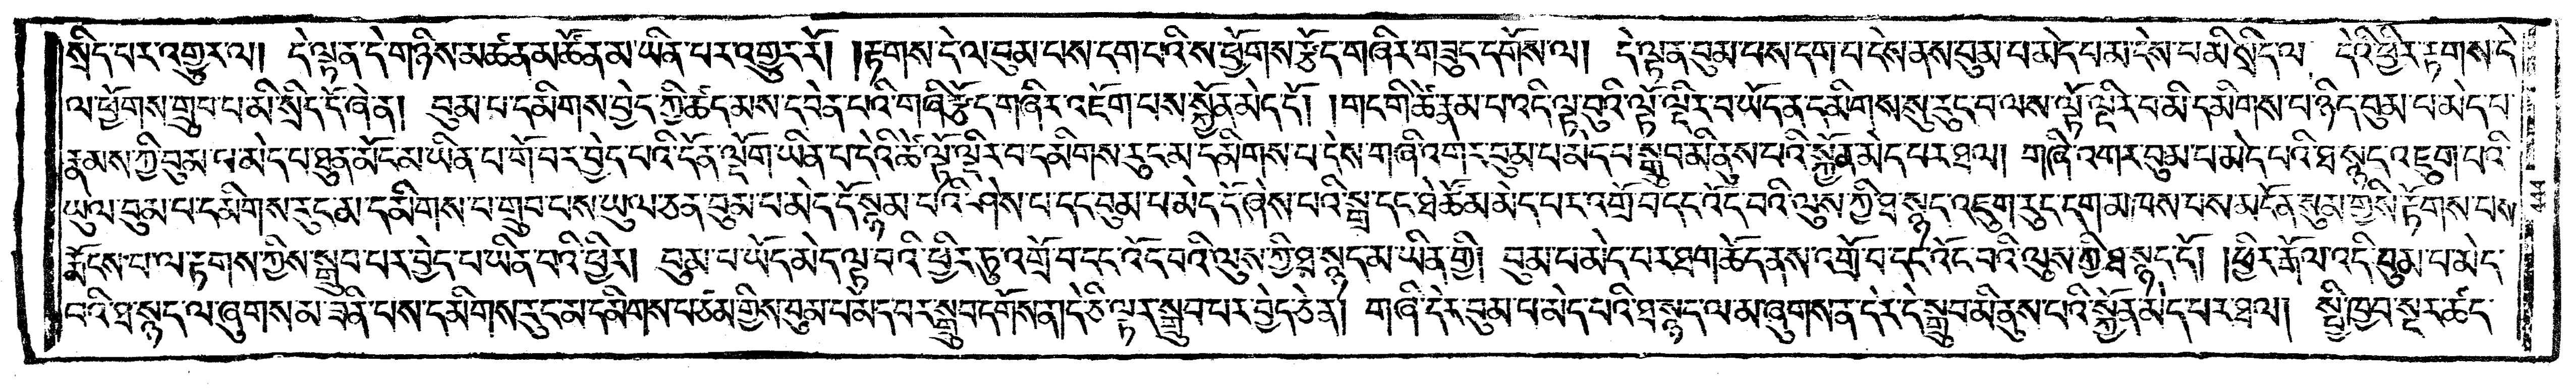སྲིད་པར་འགྱུར་ལ། དེ་ལྟ་ན་དེ་གཉིས་མཚན་མཚོན་མ་ཡིན་པར་འགྱུར་རོ། །རྟགས་དེ་ལ་བུམ་པས་དག་པའི་ས་ཕྱོགས་རྩོད་གཞིར་གཟུང་དགོས་ལ། དེ་ལྟ་ན་བུམ་པས་དག་པ་ངེས་ནས་བུམ་པ་མེད་པ་མ་ངེས་པ་མི་སྲིད་ལ་དེའི་ཕྱིར་རྟགས་དེ་
ལ་ཕྱོགས་གྲུབ་པ་མི་སྲིད་དོ་ཞེ་ན། བུམ་པ་དམིགས་བྱེད་ཀྱི་ཚད་མས་དབེན་པའི་གཞི་རྩོད་གཞིར་འཇོག་པས་སྐྱོན་མེད་དོ། །གང་གི་ཚེ་རྣམ་པ་འདི་ལྟ་བུའི་ལྟོ་ལྡིར་བ་ཡོད་ན་དམིགས་སུ་རུང་བ་ལས་ལྟོ་ལྡིར་བ་མི་དམིགས་པ་ཉིད་བུམ་པ་མེད་པ་
རྣམས་ཀྱི་བུམ་པ་མེད་པ་ཐུན་མོང་མ་ཡིན་པ་གོ་བར་བྱེད་པའི་དོན་ལྡོག་ཡིན་པ་དེའི་ཚེ་ལྟོ་ལྡིར་བ་དམིགས་རུང་མ་དམིགས་པ་དེས་གཞི་འགར་བུམ་པ་མེད་པ་སྒྲུབ་མི་ནུས་པའི་སྐྱོན་མེད་པར་ཐལ། གཞི་འགར་བུམ་པ་མེད་པའི་ཐ་སྙད་འཇུག་པའི་
ཡུལ་བུམ་པ་དམིགས་རུང་མ་དམིགས་པ་གྲུབ་པས་ཡུལ་ཅན་བུམ་པ་མེད་དོ་སྙམ་པའི་ཤེས་པ་དང་བུམ་པ་མེད་དོ་ཞེས་པའི་སྒྲ་དང་ཐེ་ཚོམ་མེད་པར་འགྲོ་བ་དང་འོད་པའི་ལུས་ཀྱི་ཐ་སྙད་འཇུག་རུང་དག་མཁས་པས་མངོན་སུམ་གྱིས་རྟོགས་པས་
རྨོངས་པ་ལ་རྟགས་ཀྱིས་སྒྲུབ་པར་བྱེད་པ་ཡིན་པའི་ཕྱིར། བུམ་པ་ཡོད་མེད་ལྟ་བའི་ཕྱིར་ཏུ་འགྲོ་བ་དང་འོད་བའི་ལུས་ཀྱི་ཐ་སྙད་མ་ཡིན་གྱི། བུམ་པ་མེད་པར་ཐག་ཆོད་ནས་འགྲོ་བ་དང་འོང་བའི་ལུས་ཀྱི་ཐ་སྙད་དོ། །ཕྱིར་རྒོལ་འདི་བུམ་པ་མེད་
པའི་ཐ་སྙད་ལ་ཞུགས་མ་ཟིན་པས་དམིགས་རུང་མ་དམིགས་པ་ཙམ་གྱིས་བུམ་པ་མེད་པར་སྒྲུབ་དགོས་ན། དེ་ཅི་ལྟར་སྒྲུབ་པར་བྱེད་ཅེ་ན། གཞི་དེར་བུམ་པ་མེད་པའི་ཐ་སྙད་ལ་མ་ཞུགས་ན་དེར་དེ་སྒྲུབ་མི་ནུས་པའི་སྐྱོན་མེད་པར་ཐལ། སྤྱི་ཁྱབ་སྔར་ཚད་